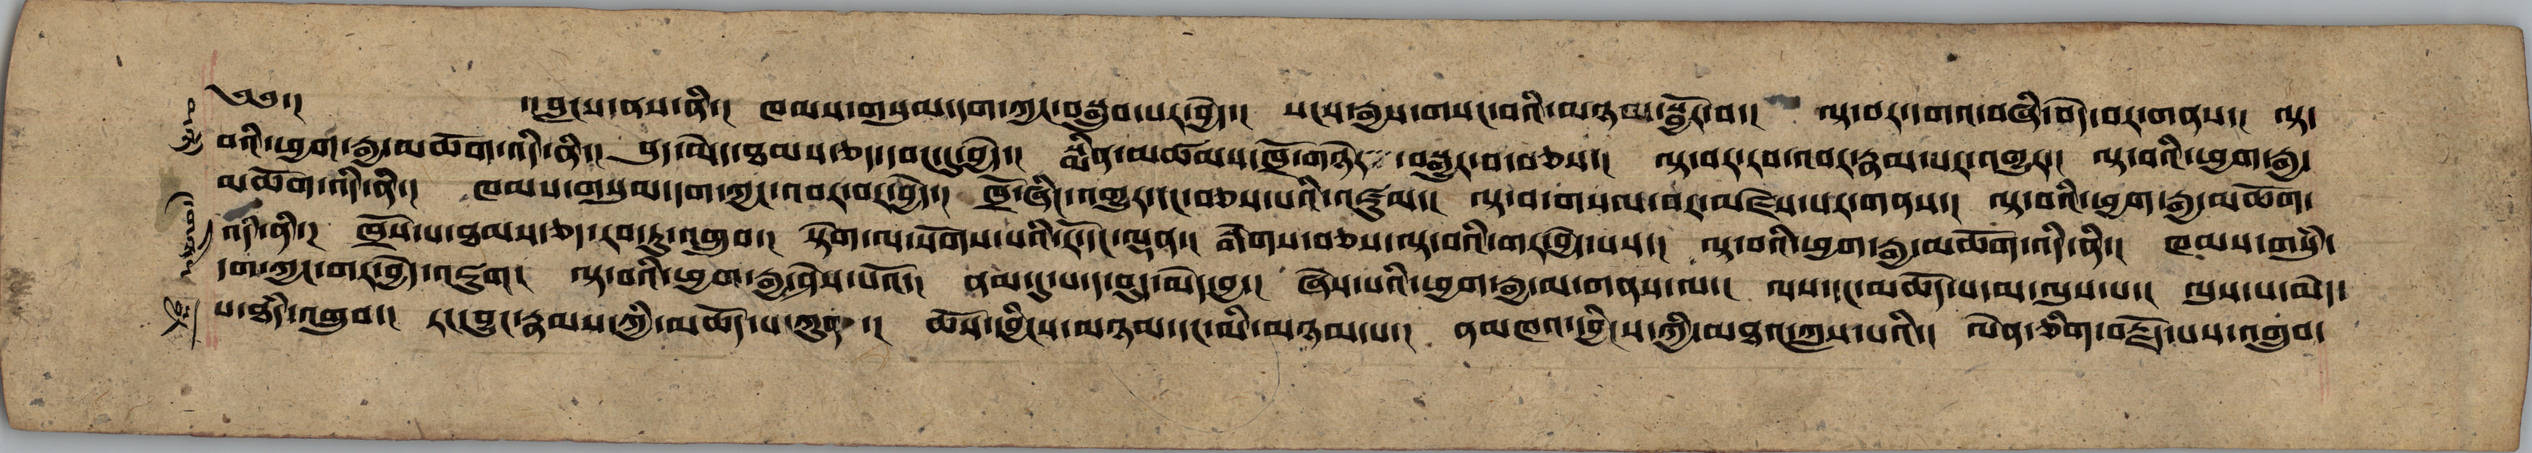༄༅་། ་།བླངས་ནས་ནི་། ཁམས་གསུམ་དག་ཀྱང་བསྒྲུབ་པར་བྱེད་། སངས་རྒྱས་གསང་བའི་མཉམ་སྦྱོར་བ་། ལྟ་བར་དགའ་བཞི་བདེ་བར་གནས་། ལྟ་
བའི་ཕྱག་རྒྱ་མཆོག་འདི་ནི་། བུད་མེད་ཐམས་ཅད་དབང་དུ་བྱེད་། སྨིན་མཚམས་ཁྲོ་གཉེར ་བསྒྱུར་བ་བཅས་། ལྟ་བར་རབ་འབར་རྣམ་པར་འགྱུར་། ལྟ་བའི་ཕྱག་རྒྱ་
མཆོག་འདི་ནི་། ཁམས་གསུམ་དག་ཀྱང་འབར་བར་བྱེད་། ཁྲོ་ཞིང་འགྱུར་དང་བཅས་པའི་འཛུམ་། ལྟ་བ་གསལ་བར་མཛེས་པར་གནས་། ལྟ་བའི་ཕྱག་རྒྱ་མཆོག་
འདི་ནི་། ཁྲོས་པ་ཐམས་ཅད་རབ་ཏུ་འགྲུབ་། སྟེག་ལ་སོགས་པའི་རོ་དང་ལྡན་། རྒེགས་བཅས་ལྟ་བའི་གར་བྱེད་པས་། ལྟ་བའི་ཕྱག་རྒྱ་མཆོག་འདི་ནི་། ཁམས་གསུཾ་
དག་ཀྱང་གར་བྱེད་འཇུག། ལྟ་བའི་ཕྱག་རྒྱ་ཤེས་པའོ་། ནམ་དུ་པ་ད་བུད་མེད་བྱ་། ཞེས་པའི་ཕྱག་རྒྱ་མ་གནས་ལ་། འདས་དང་མཆོད་པ་མ་ལུས་པ་། ལུས་པ་མེད་
པ་ཐཾད་འགྲུབ་། རང་བྱུང་རྣམས་ཀྱི་མཆོད་པ་ཀུན་། ཆོས་དབྱིངས་མཉམ་དང་མི་མཉམ་པ་། ནམཁའ་དབྱིངས་ཀྱི་མཐའ་ཀླས་པའི་། ལེན་ཅིག་བརྗོད་པས་འགྲུབ་